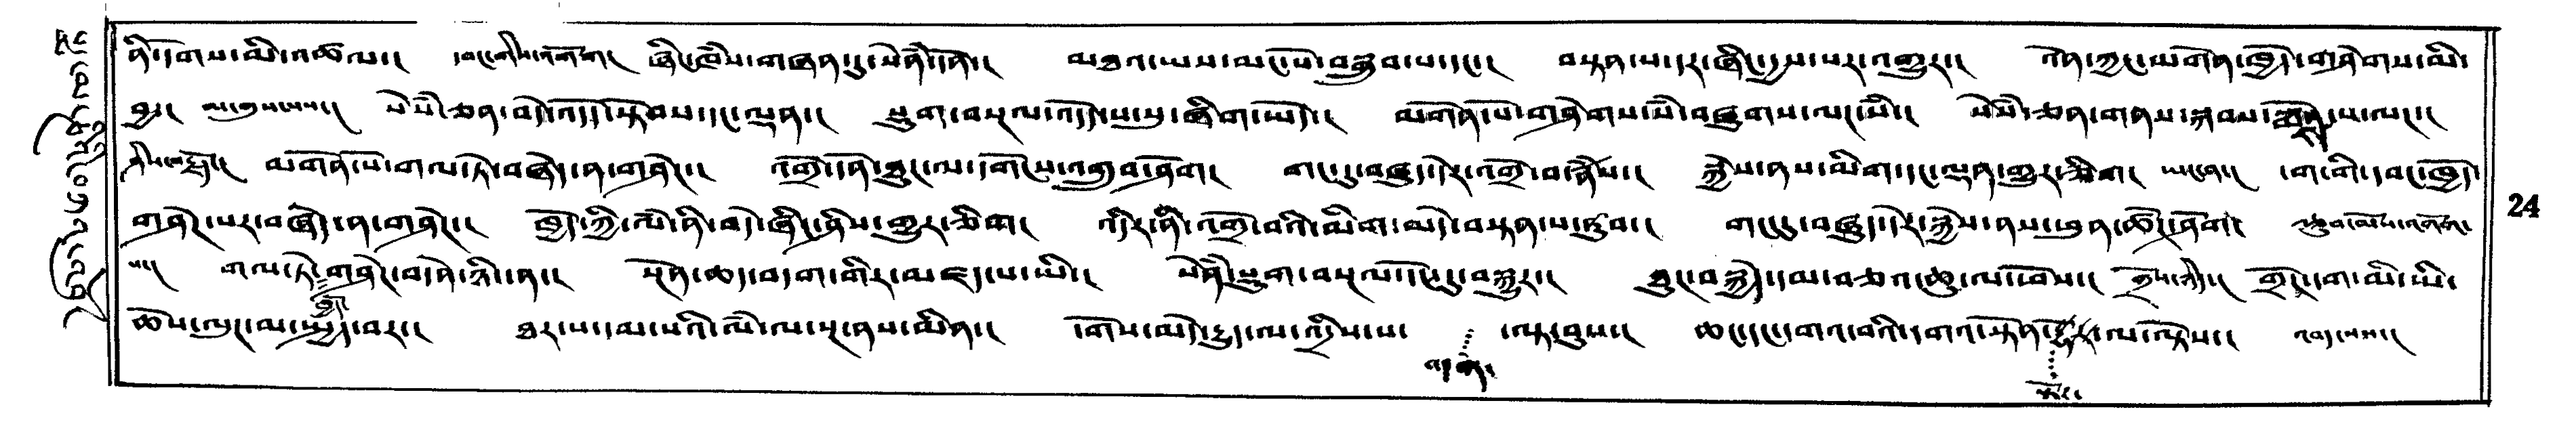ནི་དོགས་མི་འཚལ། ། དབང་གིས་འགོག་པ། ཞིང་ཁམས་གཞན་དུ་སེམས་ཅན་དོན། །མཐའ་ཡས་མང་པོ་བསྒྲུབ་པ་དང་། །བསྟན་པ་དར་ཞིང་རྒྱས་པར་འགྱུར། །འོན་ཀྱང་མགོན་ཁྱོད་གཤེགས་མི་
བྱ། ། མ་གུས་པས། སེམས་ཅན་བདེ་འདོད་སྟོབས་དང་ལྡན། །སྡུག་བསྔལ་འདོད་པ་སུ་ཞིག་ཡོད། །མགོན་པོ་གཤེགས་སམ་བཞུགས་ལགས་སམ། །སེམས་ཅན་གནས་སྐབས་སྨོས་པ་ལགས། ། 
ཤིས་བརྗོད། མགོན་པོ་གལ་ཏེ་བཞེད་ན་གཤེགས། །འགྲོ་དོན་ཐུགས་ལ་དགོངས་འགྲུབ་ཤོག ། གང་དུ་བཞུད་དེར་འགྲོ་བ་རྣམས། །སྐྱེས་ནས་མིག་དང་ལྡན་གྱུར་ཅིག ། ཡང་ན། ངག་གི་དབང་ཁྱོད་
གཤེགས་པར་བཞེད་ན་གཤེགས། །ཁྱོད་ཀྱི་ལམ་ནི་བདེ་ཞིང་ཤིས་གྱུར་ཅིག ། འདིར་ནི་འགྲོ་བའི་མིག་མེད་བསྟན་པ་ནུབ། །གང་དུ་བཞུད་དེར་སྐྱེས་ནས་ཕུན་ཚོགས་ཤོག ། རྩུབ་མོས་འགོག་
པ། གལ་ཏེ་ཁྱོད་གཤེགས་བདེན་ཉིད་ན། །སྔོན་ཆད་བདག་གིར་མཛད་པ་ཡི། །སེམས་ཅན་སྡུག་བསྔལ་དོང་དུ་བསྐྱུར། །ཐུགས་བསྐྱེད་དམ་བཅའ་ཆུ་ལ་ཕོས། །གྲོས་ཉིད། གྲོགས་དག་མི་ཡི་
ཆོས་ལུགས་མ་སྤྱད་བར། །ཐར་པ་དམ་པའི་ལམ་ལ་སྔ་ནས་མིན། །དགོས་མེད་རྒྱུད་ལ་འདྲིས་པ་བདག་ལྟ་བུས། །ཆང་དང་དགའ་བའི་དགའ་སྟོན་སྟོར་ལ་ལྟོས། ། འབད་པས།